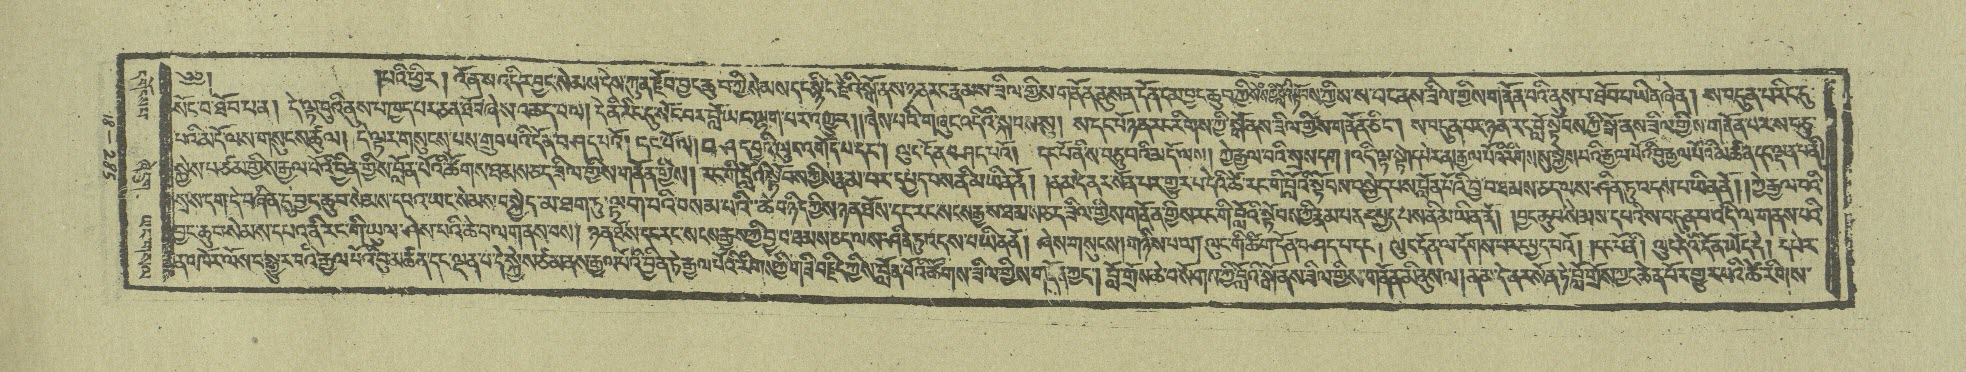༄༅། །པའི་ཕྱིར། འོ་ན་ས་འདིར་བྱང་སེམས་དེས་ཀུན་རྫོབ་བྱང་ཆུབ་ཀྱི་སེམས་དང་སྙིང་རྗེའི་སྒོ་ནས་ཉན་རང་རྣམས་ཟིལ་གྱིས་གནོན་ནུས་ན་དོན་དམ་བྱང་ཆུབ་ཀྱིས་སེམས་ཀྱི་བློའི་སྟོབས་ཀྱིས་ས་གང་ནས་ཟིལ་གྱིས་གནོན་པའི་ནུས་པ་ཐོབ་པ་ཡིན་ཞེ་ན། ས་བདུན་པ་རིང་དུ་
སོང་བ་ཐོབ་པ་ན། དེ་ལྟ་བུའི་ནུས་པ་ཁྱད་པར་ཅན་ཐོབ་ཞེས་འཆད་པ་ལ། དེ་ནི་རིང་དུ་སོང་བར་བློ་ཡང་ལྷག་པར་འགྱུར། །ཞེས་པའི་གཞུང་འདིའི་སྐབས་སུ། ས་དང་པོ་ཉན་རང་རིགས་ཀྱི་སྒོ་ནས་ཟིལ་གྱིས་གནོན་ཅིང་། ས་བདུན་པར་ཉན་རང་བློ་སྟོབས་ཀྱི་སྒོ་ནས་ཟིལ་གྱིས་གནོན་པར་ས་བཅུ་
པའི་མདོ་ལས་གསུངས་ཚུལ། དེ་ལྟར་གསུངས་པས་གྲུབ་པའི་དོན་བཤད་པའོ། །དང་པོ་ལ། བཤད་བྱའི་ལུང་འགོད་པ་དང་། ལུང་དོན་བཤད་པའོ། དང་པོ་ནི་ས་བཅུ་པའི་མདོ་ལས། ཀྱེ་རྒྱལ་བའི་སྲས་དག །འདི་ལྟ་སྟེ། དཔེར་ན། རྒྱལ་པོའི་རིགས་སུ་སྐྱེས་པའི་རྒྱལ་པོའི་བུ་རྒྱལ་པོའི་མཚན་དང་ལྡན་པ་ནི་
སྐྱེས་པ་ཙམ་གྱིས་རྒྱལ་པོའི་བྱིན་གྱིས་བློན་པོའི་ཚོགས་ཐམས་ཅད་ཟིལ་གྱིས་གནོན་གྱིས། རང་གི་བློའི་སྟོབས་ཀྱིས་རྣམ་པར་དཔྱད་པས་ནི་མ་ཡིན་ནོ། །ནམ་དེ་ནར་སོན་པར་གྱུར་བ་དེའི་ཚེ་རང་གི་བློའི་སྟོབས་བསྐྱེད་པས་བློན་པོའི་བྱ་བ་ཐམས་ཅད་ལས་ཤིན་ཏུ་འདས་པ་ཡིན་ནོ། །ཀྱེ་རྒྱལ་བའི་
སྲས་དག་དེ་བཞིན་དུ་བྱང་ཆུབ་སེམས་དཔའ་ཡང་སེམས་བསྐྱེད་མ་ཐག་ཏུ་ལྷག་པའི་བསམ་པའི་ཆེ་བ་ཉིད་ཀྱིས་ཉན་ཐོས་དང་རང་སངས་རྒྱས་ཐམས་ཅད་ཟིལ་གྱིས་གནོན་གྱིས་རང་གི་བློའི་སྟོབས་ཀྱི་རྣམ་པར་དཔྱད་པས་ནི་མ་ཡིན་ནོ། །བྱང་ཆུབ་སེམས་དཔའ་ས་བདུན་པ་འདི་ལ་གནས་པའི་
བྱང་ཆུབ་སེམས་དཔའ་ནི་རང་གི་ཡུལ་ཤེས་པའི་ཆེ་བ་ལ་གནས་པས། ཉན་ཐོས་དང་རང་སངས་རྒྱས་ཀྱི་བྱ་བ་ཐམས་ཅད་ལས་ཤིན་ཏུ་འདས་པ་ཡིན་ནོ། །ཞེས་གསུངས། གཉིས་པ་ལ། ལུང་གི་ཚིག་དོན་བཤད་པ་དང་། ལུང་དོན་ལ་དོགས་པར་དཔྱད་པའོ། །དང་པོ་ནི། ལུང་དེའི་དོན་ཡོད་དེ། དཔེར་
ན་འཁོར་ལོས་བསྒྱུར་པའི་རྒྱལ་པོའི་བུ་མཚན་དང་ལྡན་པ་དེ་སྐྱེས་ཙམ་ནས་རྒྱལ་པོའི་བྱིན་ཏེ་རྒྱལ་པོའི་རིགས་ཀྱི་གཟི་བརྗིད་ཀྱིས་བློན་པོའི་ཚོགས་ཟིལ་གྱིས་གནོན་ཀྱང་། བློ་གྲོས་ཆེ་བ་སོགས་ཀྱི་བློའི་སྒོ་ནས་ཟིལ་གྱིས་གནོན་མི་ནུས་ལ། ནམ་དེ་ནར་སོན་ཏེ་བློ་གྲོས་ཀྱང་ཆེན་པོར་གྱུར་པའི་ཚེ་རིགས་